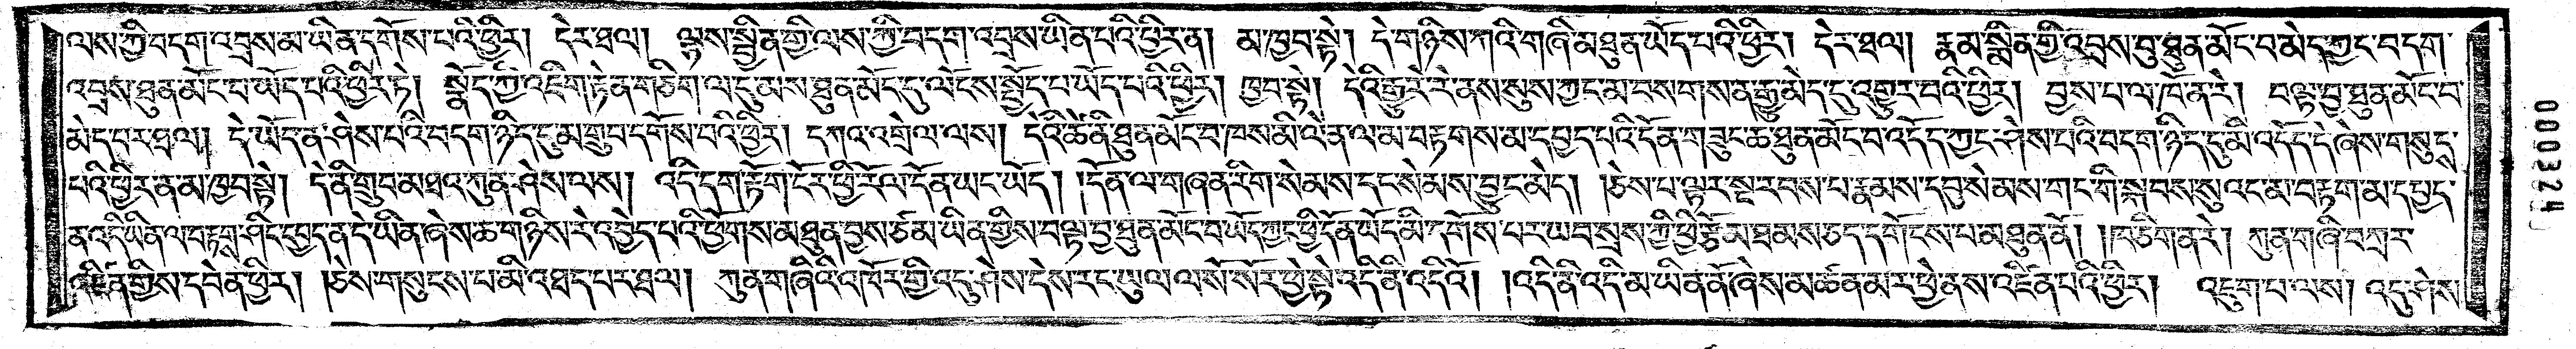ལས་ཀྱི་བདག་འབྲས་མ་ཡིན་དགོས་པའི་ཕྱིར། དེར་ཐལ། ལྷས་སྦྱིན་གྱི་ལས་ཀྱི་བདག་འབྲས་ཡིན་པའི་ཕྱིར་ན། མ་ཁྱབ་སྟེ། དེ་གཉིས་ཀའི་གཞི་མཐུན་ཡོད་པའི་ཕྱིར། དེར་ཐལ། རྣམ་སྨིན་གྱི་འབྲས་བུ་ཐུན་མོང་བ་མེད་ཀྱང་བདག་
འབྲས་ཐུན་མོང་བ་ཡོད་པའི་ཕྱིར་ཏེ། སྣོད་ཀྱི་འཇིག་རྟེན་གཅིག་ལ་དུ་མས་ཐུན་མོང་དུ་ལོངས་སྤྱོད་པ་ཡོད་པའི་ཕྱིར། ཁྱབ་སྟེ། དེའི་རྒྱུ་རེ་རེ་ནས་སུས་ཀྱང་མ་བསགས་ན་རྒྱུ་མེད་དུ་འགྱུར་བའི་ཕྱིར། བྱས་པ་ལ་ཁོ་ན་རེ། བལྟ་བྱ་ཐུན་མོང་བ་
མེད་པར་ཐལ། དེ་ཡོད་ན་ཤེས་པའི་བདག་ཉིད་དུ་མ་གྲུབ་དགོས་པའི་ཕྱིར། དཀའ་འགྲེལ་ལས། དེའི་ཚེ་ནི་ཐུན་མོང་བ་ཁས་མི་ལེན་ལ་མ་བརྟགས་མ་དཔྱད་པའི་དོན་གཟུང་ཆ་ཐུན་མོང་བ་འདོད་ཀྱང་ཤེས་པའི་བདག་ཉིད་དུ་མི་འདོད་དེ་ཞེས་གསུངས་
པའི་ཕྱིར་ན་མ་ཁྱབ་སྟེ། དེ་ནི་གྲུབ་མཐའ་ཀུན་ཤེས་ལས། འདི་དག་རྟོག་ངོར་བྱི་རོལ་དོན་ཡང་ཡོད། །དོན་ལ་གཞན་རིག་སེམས་དང་སེམས་བྱུང་མེད། །ཅེས་པ་ལྟར་སྔར་བས་པ་རྣམས་དབུ་སེམས་གང་གི་སྐབས་སུའང་མ་བརྟག་མ་དཔྱད་
ན་འདི་ཡིན་ལ་བརྟགས་ཤིང་དཔྱད་ན་དེ་ཡིན་ཞེས་ཆ་གཉིས་རེ་འབྱེད་པའི་ཕྱོགས་མཐུན་བྱས་ཙམ་ཡིན་གྱིས་བལྟ་བྱ་ཐུན་མོང་བ་ཡོད་ཀྱང་ཕྱི་དོན་ཡོད་མི་དགོས་པར་ཡབ་སྲས་ཀྱི་ཕྱི་རྩོམ་ཐམས་ཅད་དགོངས་པ་མཐུན་ནོ། །ཁ་ཅིག་ན་རེ། ཀུན་གཞི་བཀྲར་
འཛིན་གྱིས་དབེན་ཕྱིར། །ཅེས་གསུངས་པ་མི་འཐད་པར་ཐལ། ཀུན་གཞིའི་འཁོར་གྱི་འདུ་ཤེས་དེས་རང་ཡུལ་ལ་སོ་སོར་ཕྱེ་སྟེ་འདི་ནི་འདིའོ། །འདི་ནི་འདི་མ་ཡིན་ནོ་ཞེས་མཚན་མར་ཕྱེ་ནས་འཛིན་པའི་ཕྱིར། འཇུག་པ་ལས། འདུ་ཤེས་